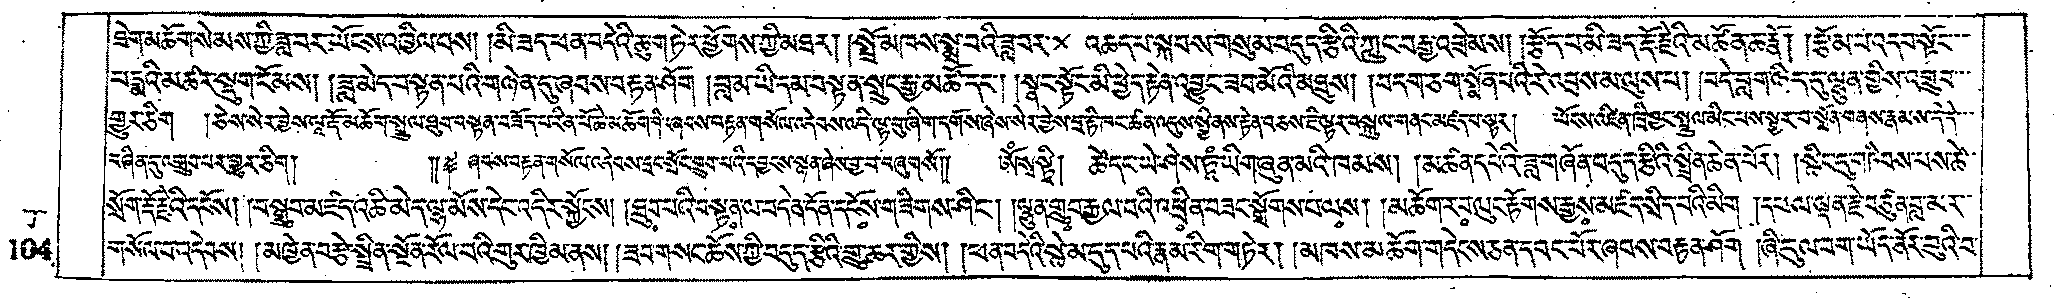ཐེག་མཆོག་སེམས་ཀྱི་ཟླ་བར་ཡོངས་འཁྱིལ་བས། །མི་ཟད་ཕན་བདེའི་ཆུ་གཏེར་ཕྱོགས་ཀྱི་མཐར། །སྦྲོ་མཁས་སྨྲ་བའི་ཟླ་བར་྾་འཆད་པ་སྐབས་གསུམ་བདུད་རྩིའི་ཀླུང་བརྒྱ་འགྲེམས། །རྩོད་པ་མི་ཟད་རྡོ་རྗེའི་མཚོན་ཆ་རྣོ། །རྩོམ་པ་འདབ་སྟོང་་་
པདམའི་མཚར་སྡུག་ངོམས། །ཟླ་མེད་བསྟན་པའི་གཉེན་དུ་ཞབས་བརྟན་ཤོག །བླ་མ་ཡི་དམ་བསྟན་སྲུང་རྒྱ་མཚོ་དང་། །སྣང་སྟོང་མི་ཕྱེད་རྟེན་འབྱུང་ཟབ་མོའི་མཐུས། །བདག་ཅག་སྨོན་པའི་རེ་འབྲས་མ་ལུས་པ། །བདེ་བླག་ཉིད་དུ་ལྷུན་གྱིས་འགྲུབ་་་
གྱུར་ཅིག །ཅེས་སེར་བྱེས་ལ་རྡོ་མཆོག་སྤྲུལ་ཐུབ་བསྟན་བཟོད་པ་རིན་པོ་ཆེ་མཆོག་གི་ཞབས་བརྟན་གསོལ་འདེབས་འདི་ལྟ་བུ་ཞིག་དགོས་ཞེས་སེར་བྱེས་བྲ་རྟི་ཁང་ཚན་འདུས་སྦྱི་ནས་རྟེན་བཅས་ཇི་ལྟར་བསྐུལ་གནང་མཛད་པ་ལྟར། ཡོངས་འཛིན་ཁྲི་བྱང་སྤྲུལ་མིང་པས་སྦྱར་བ་སྨོན་གནས་རྣམས་དེ་དེ་་་
བཞིན་དུ་འགྲུབ་པར་གྱུར་ཅིག། །། ༈ཞབས་བརྟན་གསོལ་འདེབས་དྲང་སྲོང་གྲུབ་པའི་དབྱངས་སྙན་ཞེས་བྱ་བ་བཞུགས་སོ།། ཨོཾ་སྭ་སྟྭི། ཚེ་དང་ཡེ་ཤེས་ཏཱཾ་ཡིག་ཞུན་མའི་ཁམས། །མཚན་དཔེའི་ཟླ་གཞོན་བདུད་རྩིའི་སྦྲིན་ཆེན་པོར། །སྙིང་དུ་གཏིབས་པས་ཚེ་
སྲོག་རྡོ་རྗེ་དངོས། །བསྒྲུབ་མཛད་འཆི་མེད་ལྷ་མོས་དེང་འདིར་སྐྱོངས། །ཐུབ྾་པའི་བསྟན྾་ལ་བདེན་དོན་དངོས྾་གཟིགས་ཤིང་། །ལྷུན་གྲུབ྾་རྒྱལ་བའི་འཕྲིན྾་བཟང་སྒྲོགས་པ་ལས྾། །མཆོག་རབ྾་ལུང་རྟོགས་རྒྱས྾་མཛད་སྲིད་པའི་མིག །དཔལ་ལྡན་རྗེ་བཙུན་བླ་མར་་་
གསོལ་བ་འདེབས། །མཁྱེན་བརྩེ་སྤྲིན་སྔོན་རོལ་པའི་གུར་ཁྱིམ་ནས། །ཟབ་གསང་ཆོས་ཀྱི་བདུད་རྩིའི་གྲུ་ཆར་གྱིས། །ཕན་བདེའི་སྙེ་མ་དུད་པའི་རམ་རིག་གཏེར། །མཁས་མཆོག་གདེངས་ཅན་དབང་པོར་ཞབས་བརྟན་ཤོག། །ཞི་དུལ་བག་ཡོད་ནོར་བུའི་བ་